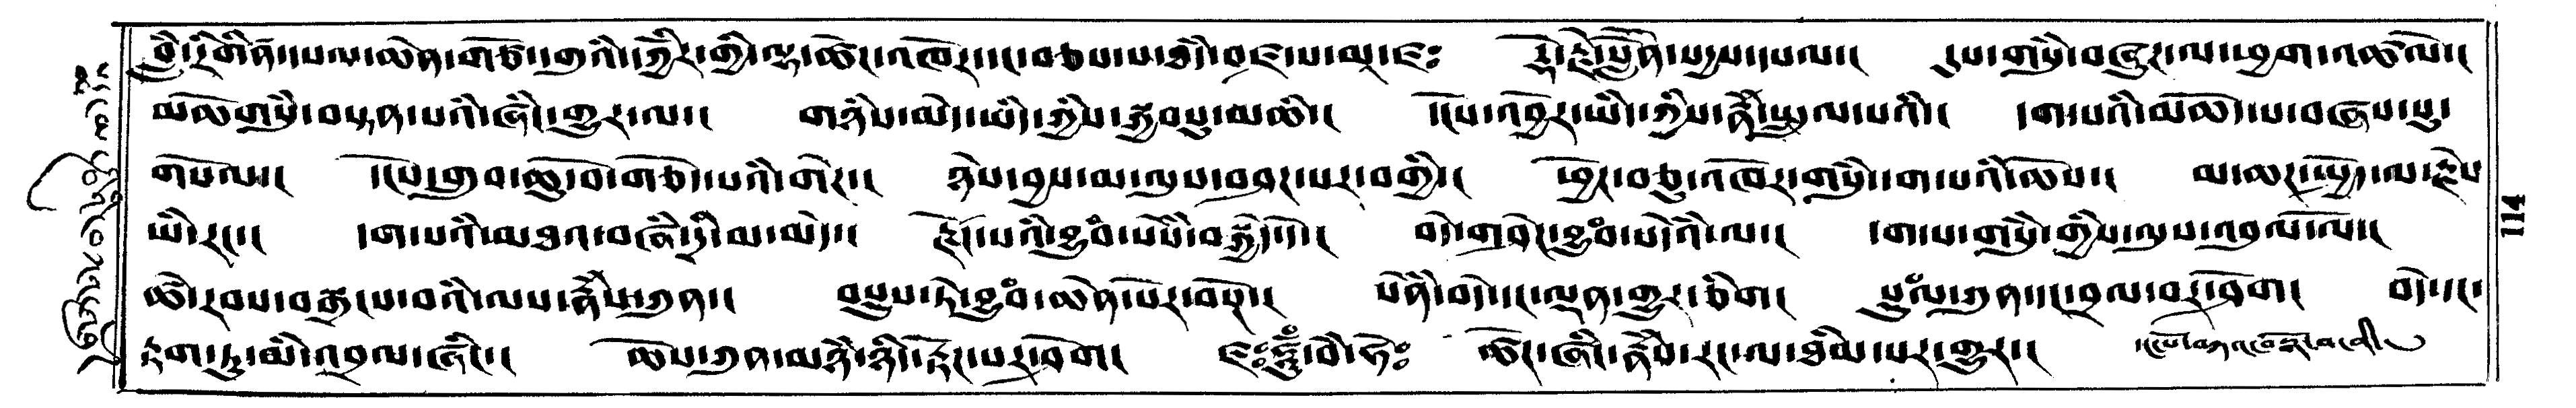བླ་མ་རིག་འཛིན་དཔལ་ཆེན་གཙོ་དགུའི་དཀྱིལ་འཁོར་གྱི་ལྷ་ཚོགས་འཁོར་དང་བཅས་པ་ཐམས་ཅད་བཛྲ་ས་མཱ་ཛཿ རྡོ་རྗེ་སློན་དཔོན་སངས་རྒྱས་དཔལ། །དུས་གསུམ་བཞུགས་ལ་ཕྱག་འཚལ་ལོ། །
མཆོག་གསུམ་བསྟན་པའི་ཞིང་གྱུར་ལ། །གཉིས་མེད་ཡིད་ཀྱིས་སྐྱབས་སུ་མཆི། །དངོས་འབྱོར་ཡིད་ཀྱིས་རྣམ་སྤྲུལ་པའི། །དག་པའི་མཆོད་པ་བཞས་སུ་
གསོལ། །དངོས་གྲུབ་ཆུ་བོ་གཅོད་པའི་གེགས། །ཉེས་བྱས་མ་ལུས་བཤགས་པར་བགྱི། །ཕྱོགས་བཅུ་འཁོར་གསུམ་དག་པའི་ཆོས། །མ་ཆགས་སྤྱོད་ལ་རྗེས་
ཡི་རང་། །དག་པའི་མཐའ་བཞི་དྲི་མ་མེད། །རྫོགས་པའི་བྱང་ཆུབ་སེམས་བསྐྱེད་དོ། །བདེ་གཤེགས་བྱང་ཆུབ་སེམས་དཔའ་ལ། དག་པ་གསུམ་གྱིས་ལུས་འབུལ་ལོ། །
ཚེ་རབས་བསྒྲངས་བའི་ལས་རྣམས་ཀུན། །བསྡུས་ཏེ་བྱང་ཆུབ་ཆེན་པོར་བསྔོ། །སེམས་ཅན་བདེ་དང་ལྡན་གྱུར་ཅིག །སྡུག་བསྔལ་ཀུན་དང་བྲལ་བར་ཤོག །བདེ་དང་
རྟག་ཏུ་མི་འབྲལ་ཞིང་། །ཆོས་ཀུན་མཉམ་ཉིད་རྟོགས་པར་ཤོག །ཛཿཧཱུྃ་བཾ་ཧོཿ ཚོགས་ཞིང་རྣམས་རང་ལ་ཐིམ་པར་གྱུར། དང་པོ་བཀའ་བསྒོ་བ་ནི།